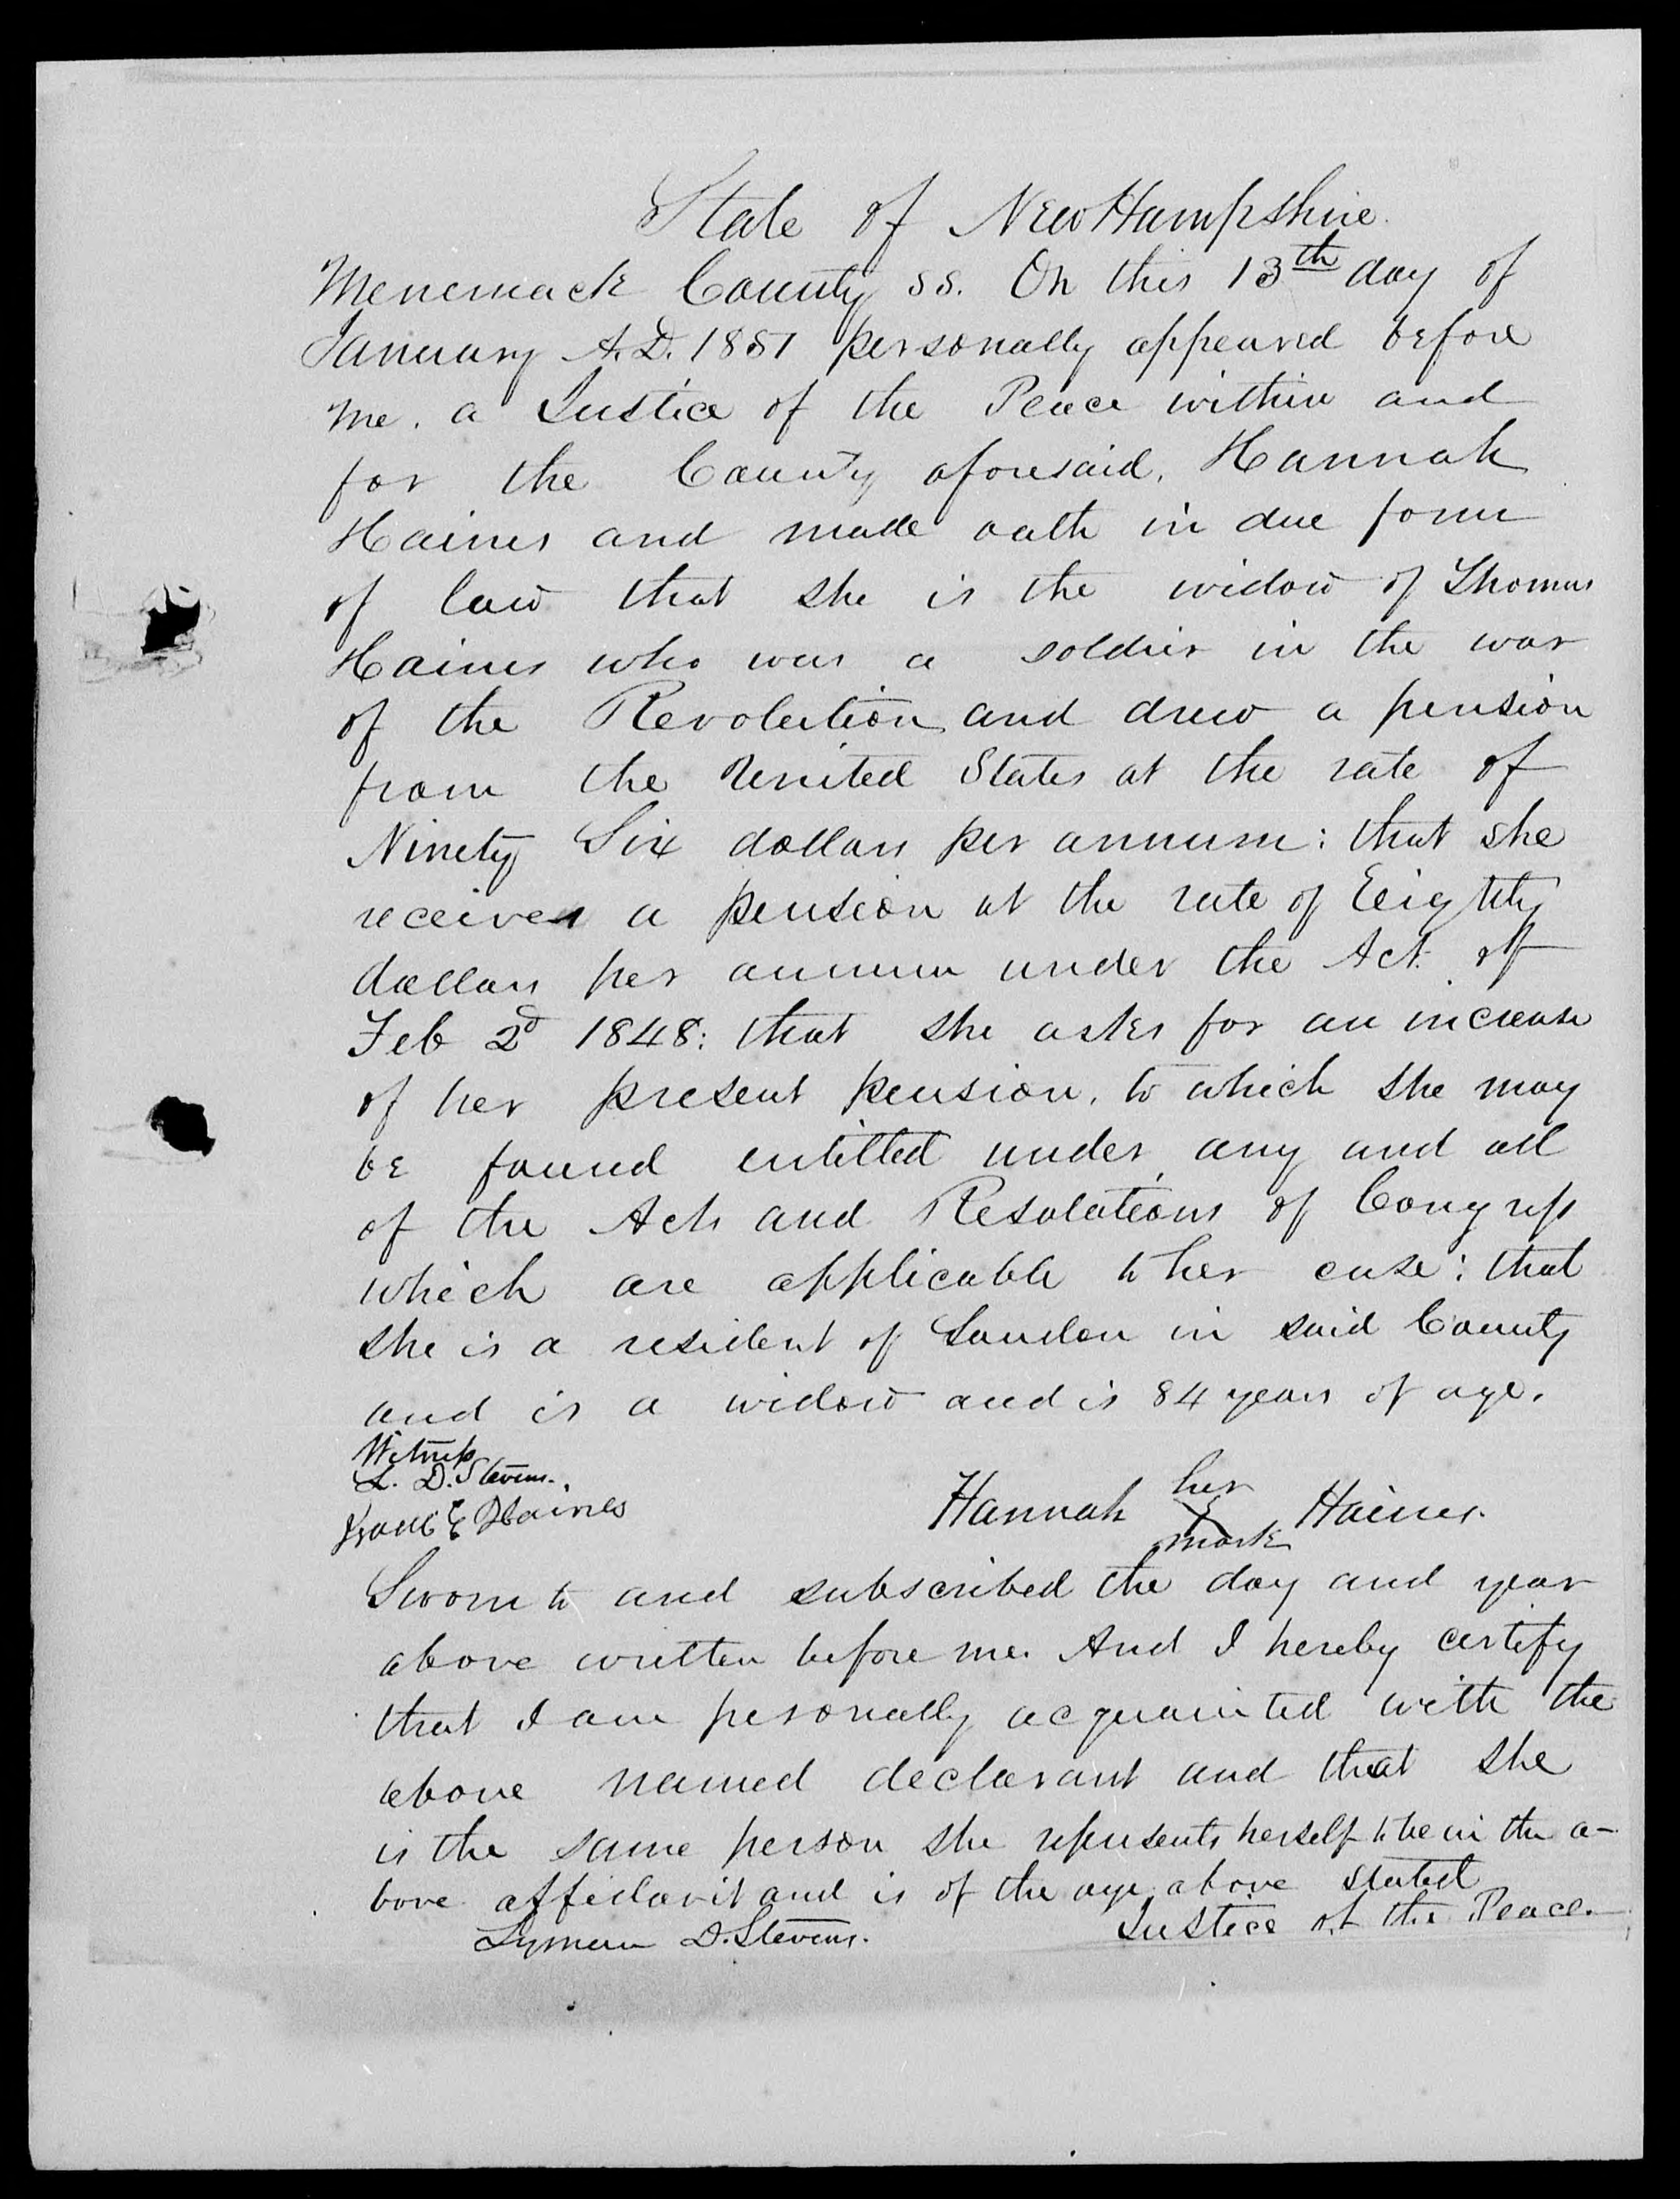State of New Hampshire 
Merrimack County SS.  On this 13th day of January A.D. 1851 personally appeared before me, a Justice of the Peace within and for the County aforesaid, Hannah Haines and made oath in due form of law that she is the widow of Thomas Haines who was a soldier in the war of the Revolution and drew a pension from the United States at the rate of Niney-Six dollars per annum; that she received a pension at the rate of Eighty dollars per annum under the Act of Feb 2d 1848; that she asks for an increase of her present pension, to which she may be found entitled under any and all of the Acts and Resolutions of Congress which are applicable to her case; that she is a resident of Loudon in said County and is a widow and is 84 years of age.

Witness 
L. D. Stevens
Isaac E Haines 
  Hannah her mark X Haines

Sworn to and subscribed the day and year above written before me. And I hereby certify that I am personally acquainted with the above named declarant and that she is the same person she represents herself to be in the above affidavit and is of the age above stated.

Lyman D. Stevens      Justice of the Peace.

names: Isaac E Haines, Hannah Haines, L D Stevens, Hannah Haines, Lyman D Stevens, Thomas Haines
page: 44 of 57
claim: widow's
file: W. 23217, Thomas Haines, N H